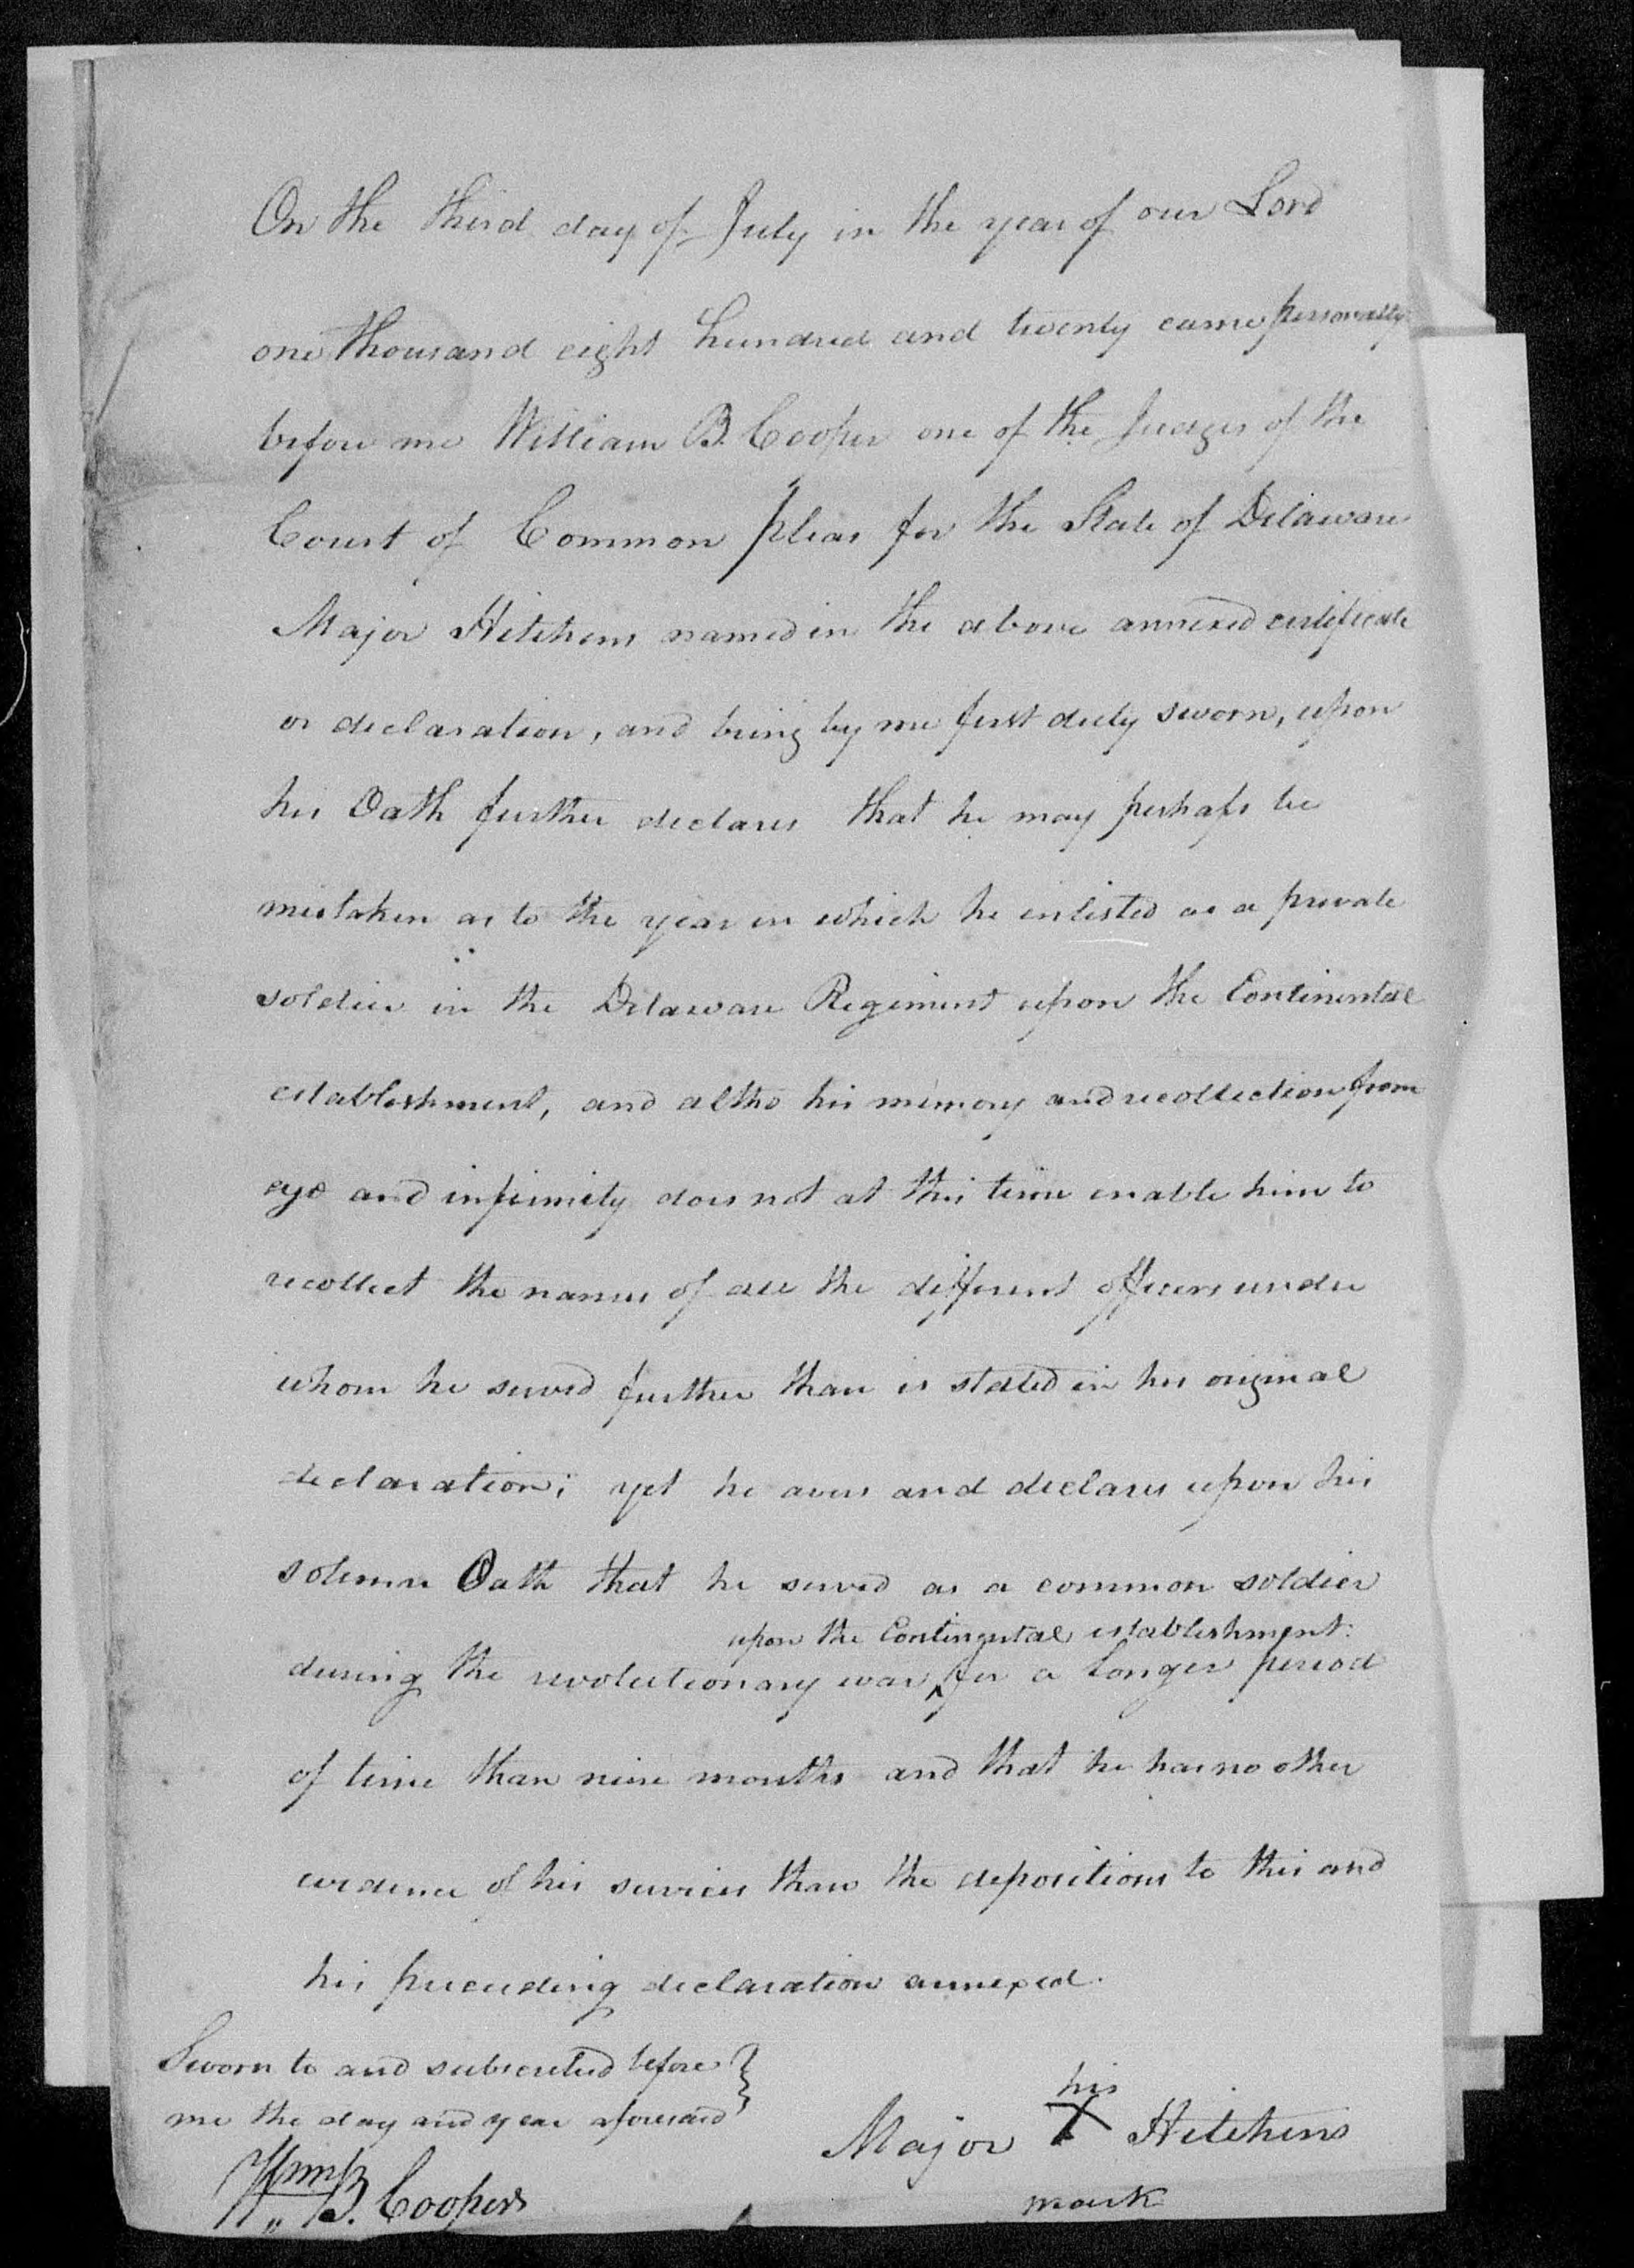On the third day of July in the year of our Lord
one thousand eight hundred and twenty came personally
before me William B. Cooper one of the Judges of the
Court of Common pleas for the State of Delaware
Major Hitchen named in the above annexed certificate
or declaration, and being by me first duly sworn, upon
his oath further declares that he may perhaps be
mistaken as to the year in which he enlisted as a private
soldier in the Delaware Regiment upon the Continental
establishment, and altho his memory and recollection from
eyo infirmity does not at this time enable him to
recollect the names of all the different officers under
whom he served further than is stated in his original
declaration, yet he over and declares upon his
solemn Oath that he served as a common soldier
during the revolutionary war
upon the Continental establishment
for a longer period
of time than nine months and that he has no other
evidence of his services than the deposition to this and
his preceeding declaration annexed.
Sword to and subscribed before
me the day and year aforesaid
Wm Cooper

Major Hitchens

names: Wm B Coopers, Major Hitchens, William B Cooper, Major Hitchens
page: 6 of 21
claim: survivor's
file: S. 36017, Major Hitchens, Del.